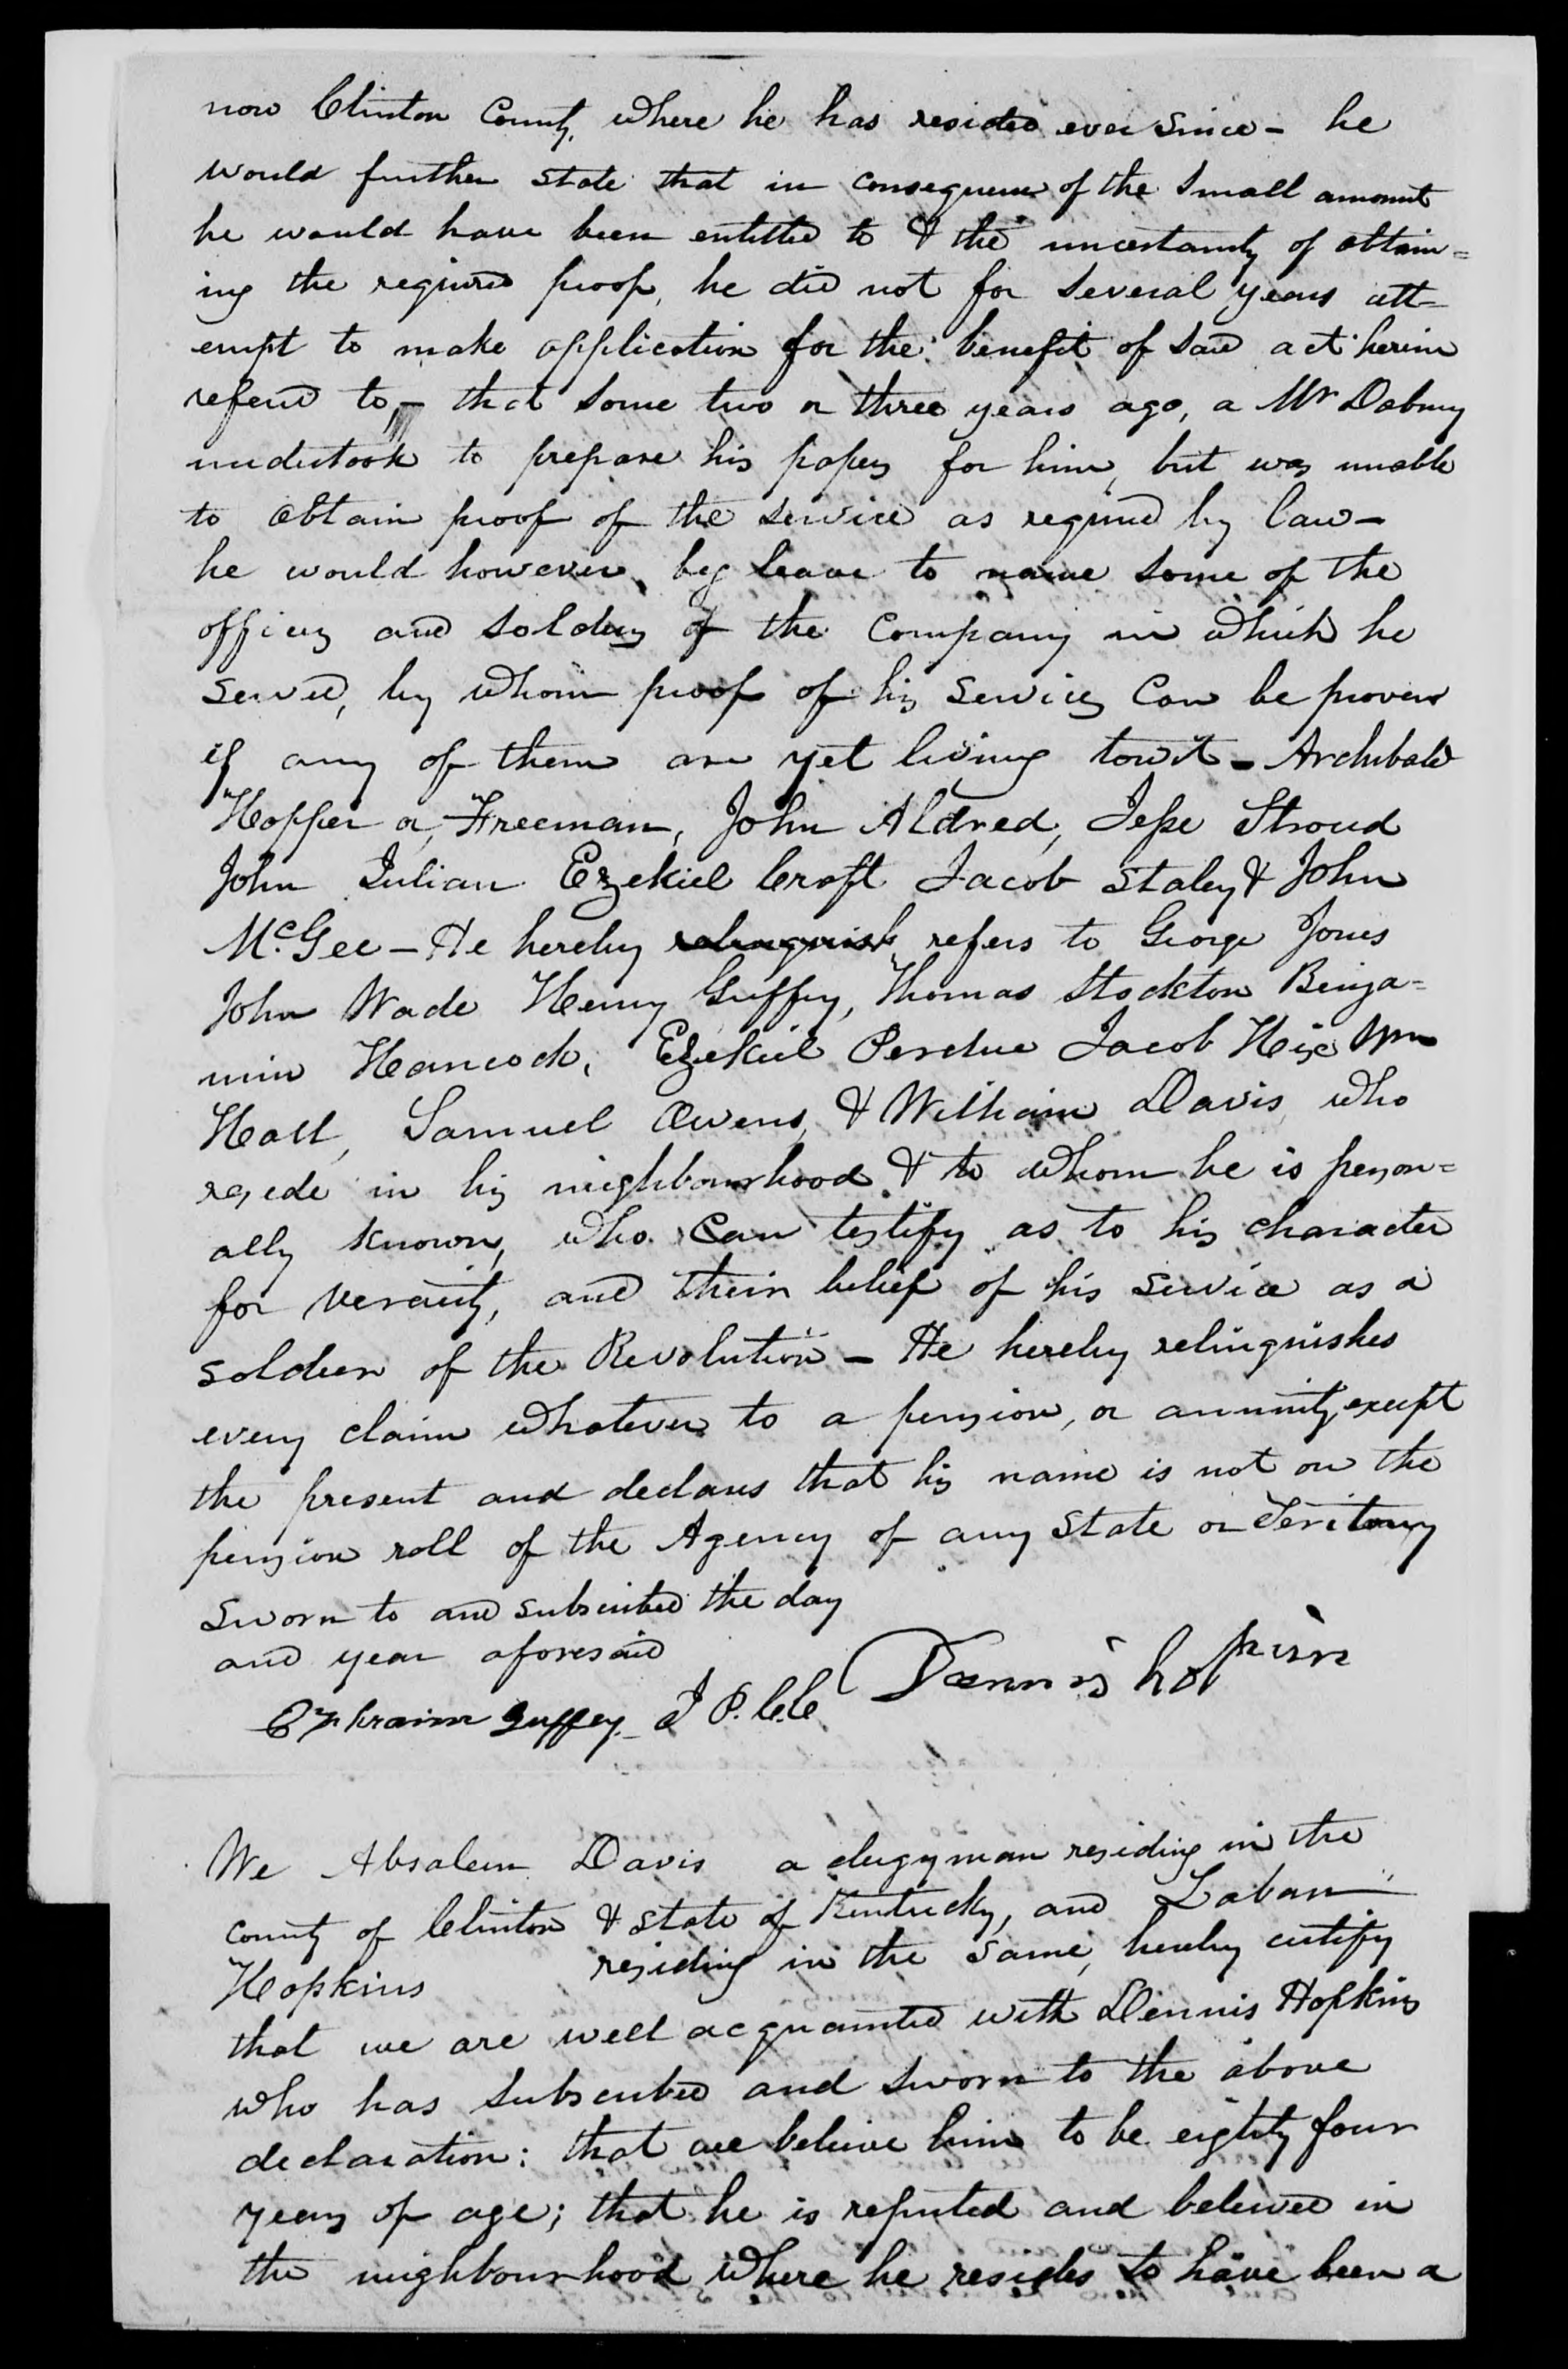now Clinton County where he has resided ever since.  he would further state that in consequence of the small amount he would have been entitled to of the uncertainty of obtaining the required proof, he did not for several years attempt to make application for the benefit of said act herein refered to that some two or three years ago a Mr Dobney undertook to prepare his papers for him but was unable to obtain proof of the service as required by law_ he would however beg Searce to name some of the officers and soldiers of the company in which he served, by whom proof of his service can be proven if any of them are yet living towit- Archibald Hopper or Freeman, John Aldred, Jesse Stroud John Julian Ezekiel Croft Jacob Staley & John McGee - He hereby refers to George Jones John Wade Henry Guffey, Thomas Stockton Benjamin Hancock, Ezekiel Perdue Jacob Hix Wm Hall Samuel Owens, & William Davis, who reside in his neighbourhood & to whom he is personally known, who can testify as to his character for veracity, and their belief of his service as a soldier of the Revolution. He hereby relinquishes every claim whatever to a pension or annuity except the present and declares that his name is not on the pension roll of the Agency of any State or Teritory
Sworn to and subscribed the day
and year aforesaid
Ephraim Guffey J.P.C.C.  Dennis Hopkin

We Absalem Davis clergyman residing in the County of Clinton & State of Kentucky and Labon Hopkins residing in the same hereby certify that we are well acquainted with Dennis Hopkins who has subscribed and sworn to the above declaration: that we believe him to be eighty four years of age; that he is reputed and believe in
the neighbourhood where he resides to have been a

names: Archibald Hopper, Samuel Owens, George Jones, William Davis, Laban Hopkins, Ezekiel Croft, John Julian, Henry Guffey, Jacob Staley, Jacob Hix, Benjamin Hancock, John Wade, Absalom Davis, Archibald Freeman, Thomas Stockton, Ephraim Guffey, Dobney, Jesse Stroud, John Aldred, Wm Hall, Ezekiel Percher, Dennis Hopkins, John Mc Gee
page: 20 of 144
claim: rejected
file: R. 5208, Dennis Hopkins, N.C.